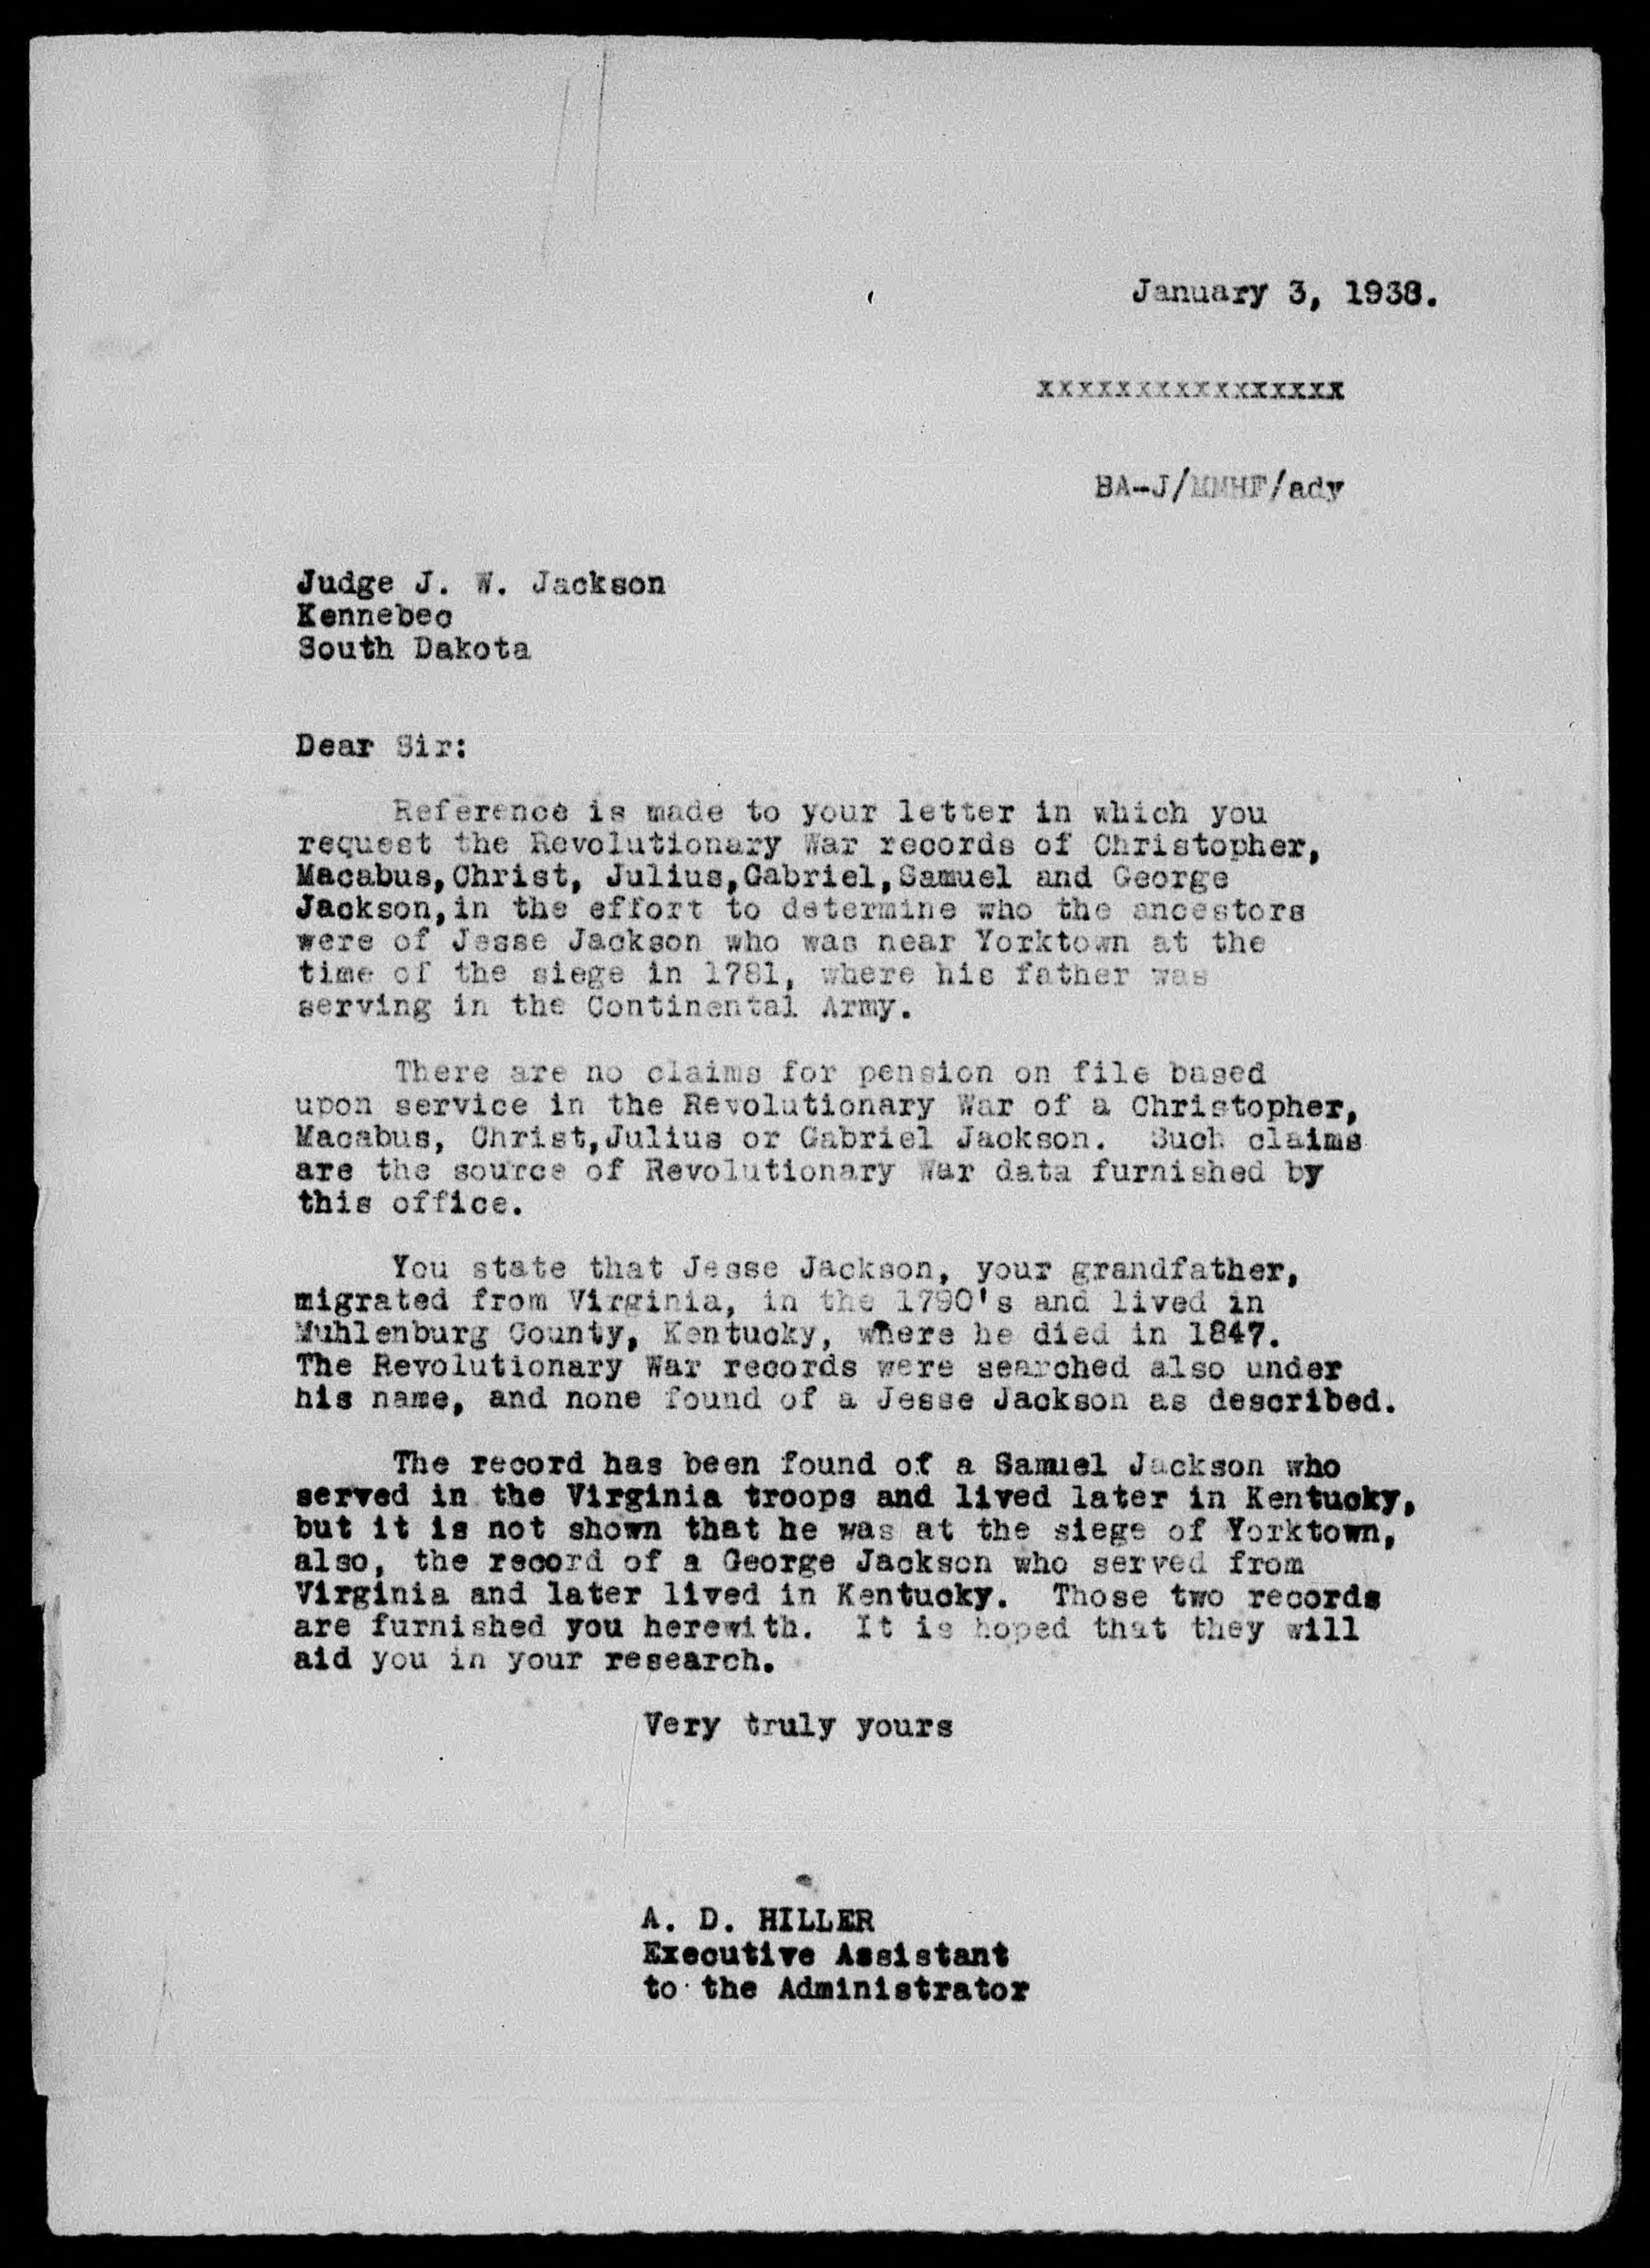January 3, 1938.

XXXXXXXXXXXXXXXX

BA-J/MHady

Judge J. W. Jackson
Kennebec
South Dakota

Dear Sir:

Reference is made to your letter in which you
request the Revolutionary War records of Christopher,
Macabus, Christ, Julius, Gabriel, Samuel and George
Jackson, in the effort to determine who the ancestors
were of Jesse Jackson who was near Yorktown at the
time of the siege in 1781, where his father was
serving in the Continental Army.

There are no claims for pension on file based
upon service in the Revolutionary War of a Christopher,
Macabus, Christ, Julius or Gabriel Jackson. Such claims
are the source of Revolutionary War data furnished by
this office.

You state that Jesse Jackson, your grandfather,
migrated from Virginia, in the 1790's and lived in
Muhlenburg County, Kentucky, where he died in 1847.
The Revolutionary War records were searched also under
his name, and none found of a Jesse Jackson as described.

The record has been found of a Samuel Jackson who
served in the Virginia troops and lived later in Kentucky,
but it is not shown that he was at the siege of Yorktown,
also, the record of a George Jackson who served from
Virginia and later lived in Kentucky. Those two records
are furnished you herewith. It is hoped that they will
aid you in your research.

Very truly yours

A. D. HILLER
Executive Assistant
to the Administrator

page: 55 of 56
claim: rejected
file: R 5529, for Samuel Jackson, Virginia